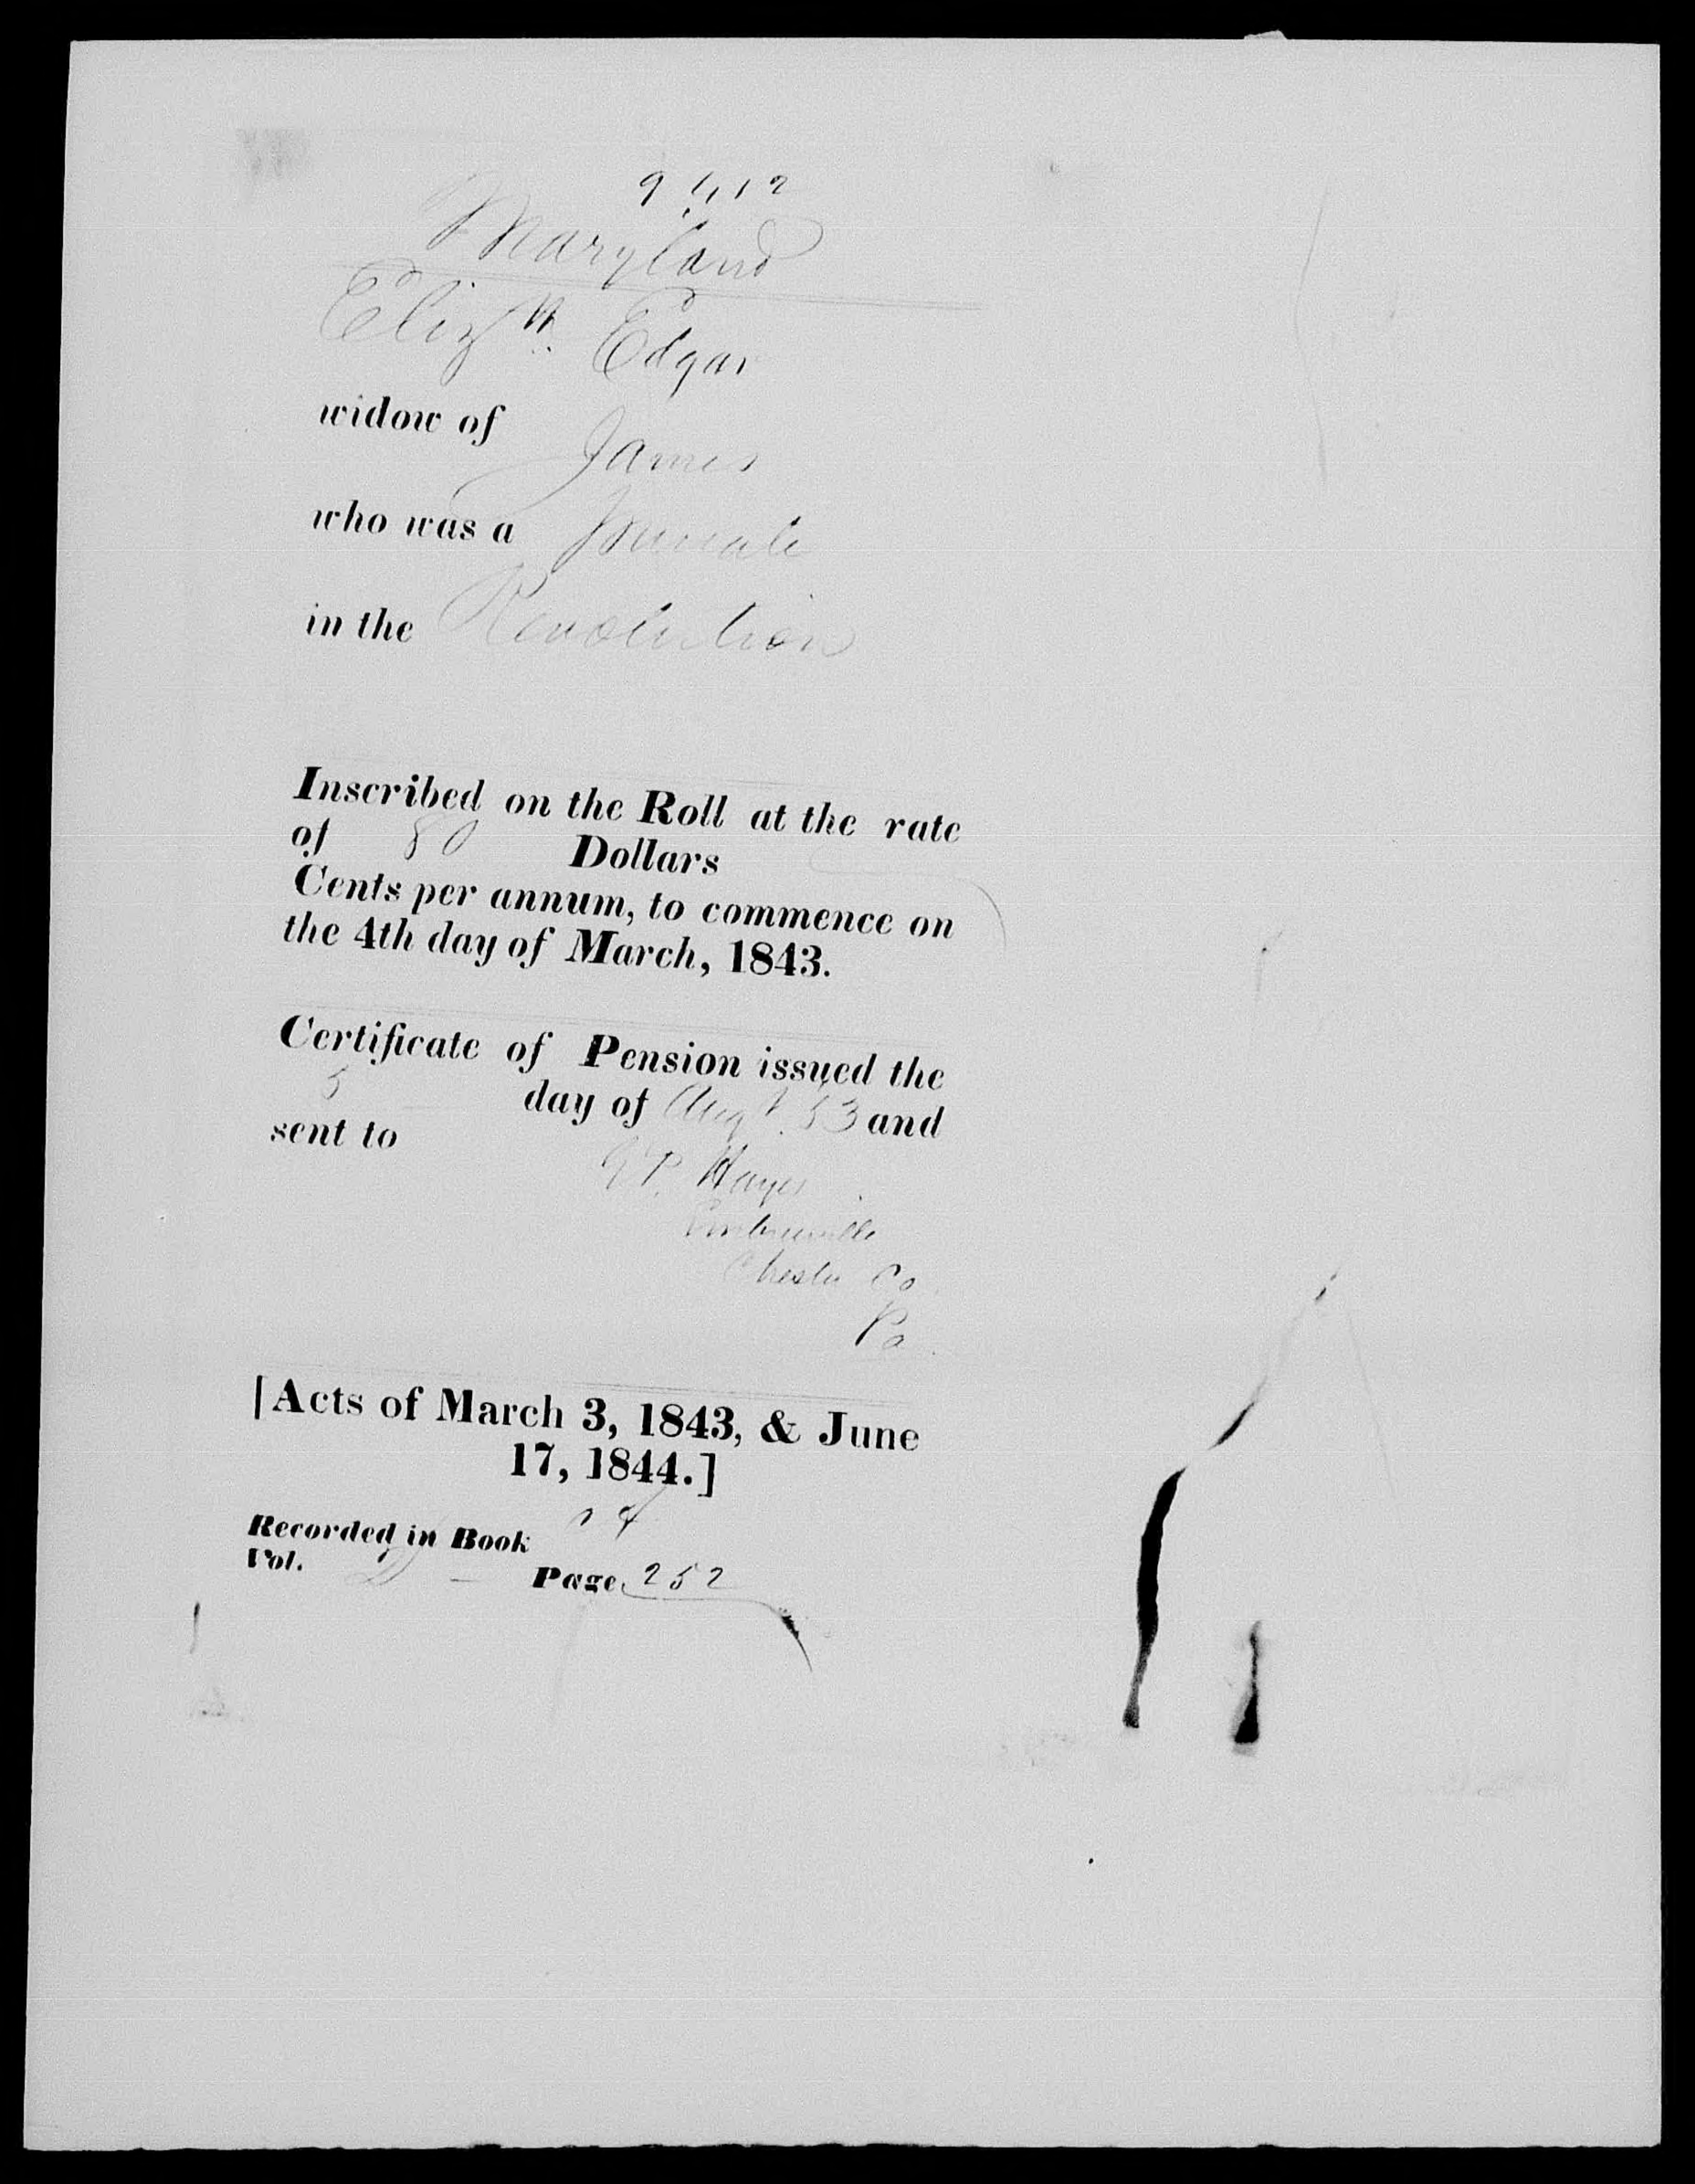9412
Maryland
Elizbeth Edgar
widow of James
who was a private
Curate
in the Revolution

Inscribed on the Roll at the rate
of 80 Dollars
Cents per annum, to commence on
the 5th day of Augt, 53 and
Sent to G. P. Hayes 
Embreeville
Chester Co.
PA

(Acts of March 3, 1843 & June
17, 1844.)

Recorded in Book C4
Vol 2   Page 252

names: James Edgar, Elizth Edgar, G P Hayes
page: 42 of 74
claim: widow's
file: W. 9422, James Edgar, Penn.